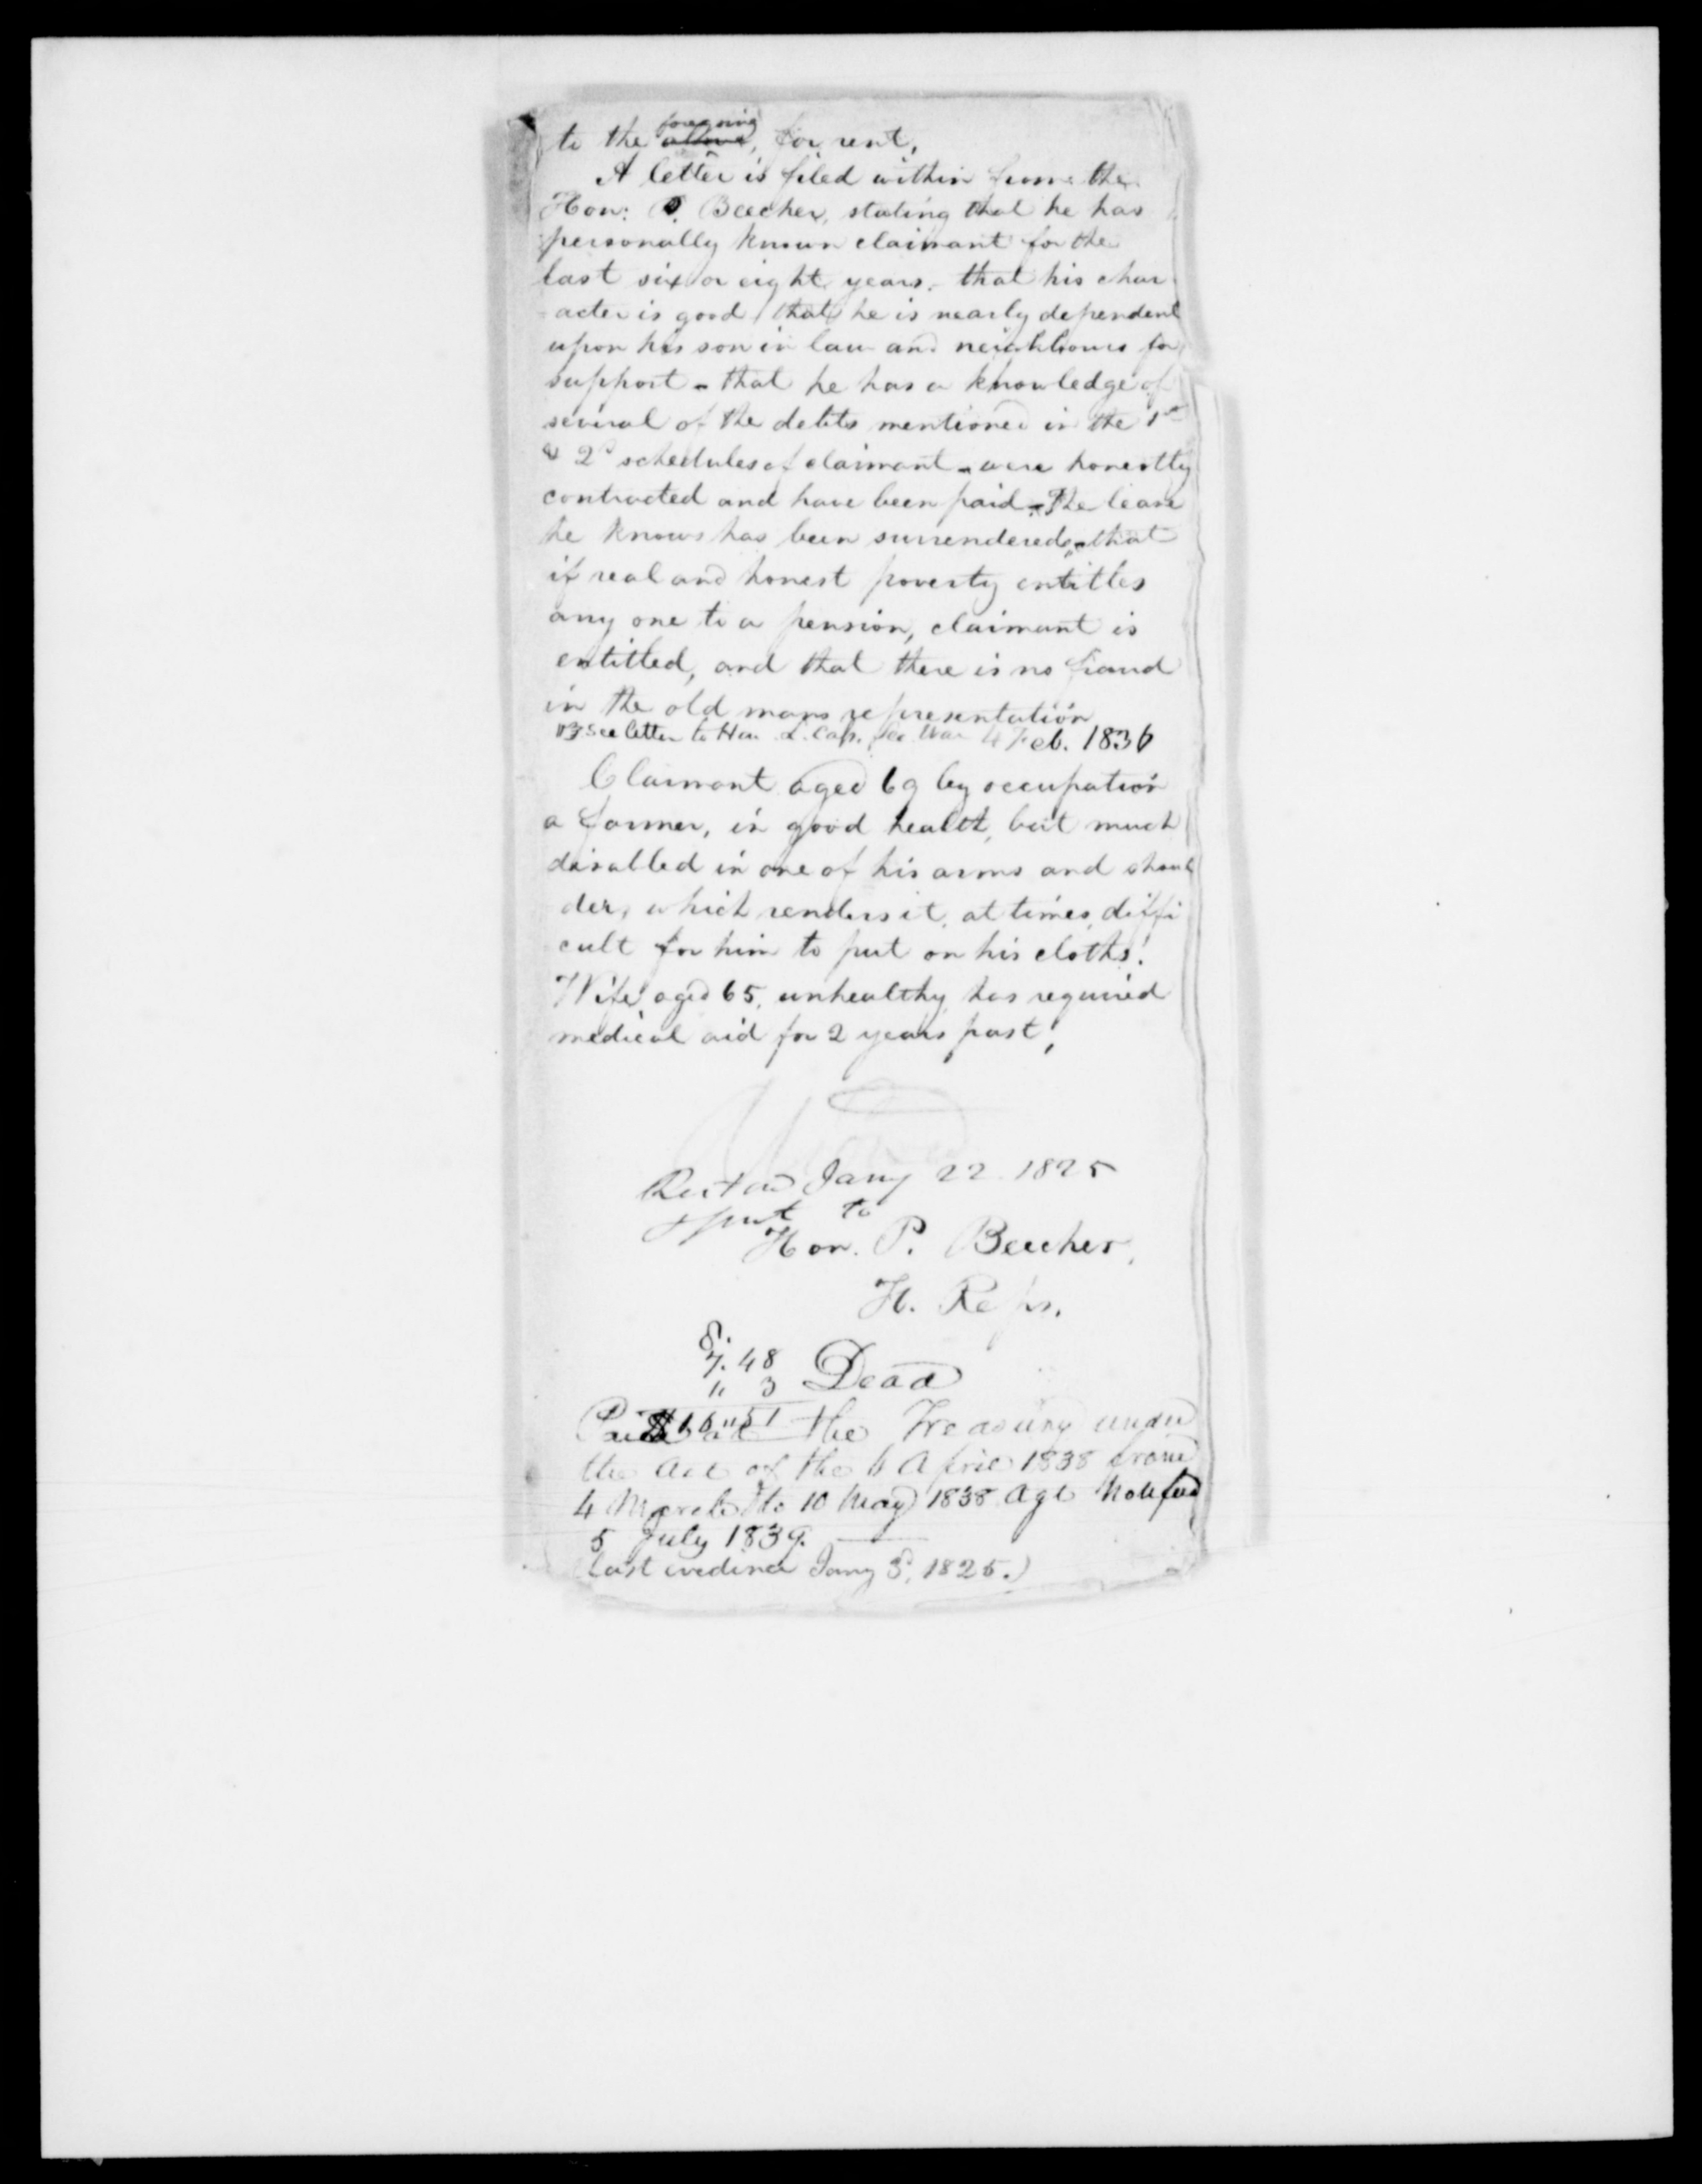to the foregoing for rent,

A letter is filed within from the Hon. P. Beecher, stating that he has personally known claimant for the last six or eight years, that his character is good that he is nearly dependent upon his son in law and neighbours for Support - that he has a knowledge of several of the debts mentioned in the 1st & 2d schedules of claimant, were honestly contracted and have been paid.  The lease he knows has been surrendered, that if real and honest poverty entitles any one to a pension, claimant is entitled, and that there is no fraud in the old man representation
letter to Hon  L. Cap. Sec. War  4 Feb. 1836

Claimant aged 69 by occupation a farmer, in good health, but much disabled in one of his arms and shoulder, which renders it, at times difficult for him to put on his cloths.  Wife aged 65, unhealthy has required medical aid for 2 years past.

[lightly written across page] Allowed

[illegible] Jany 22. 1825
Sent to Hon P. Beecher
H. Reps.

8
7.48
1.3  
------
$ 16.51
Dead
Paid at the Treasury under the Act of the 6 April 1838 from 4 March to 10 May 1838  Agt Notified 5 July 1839.  last evidence Jany 3, 1825.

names: Clarmont, P Beecher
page: 27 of 29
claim: survivor's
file: S. 40642, James Waters, Continental (Md)